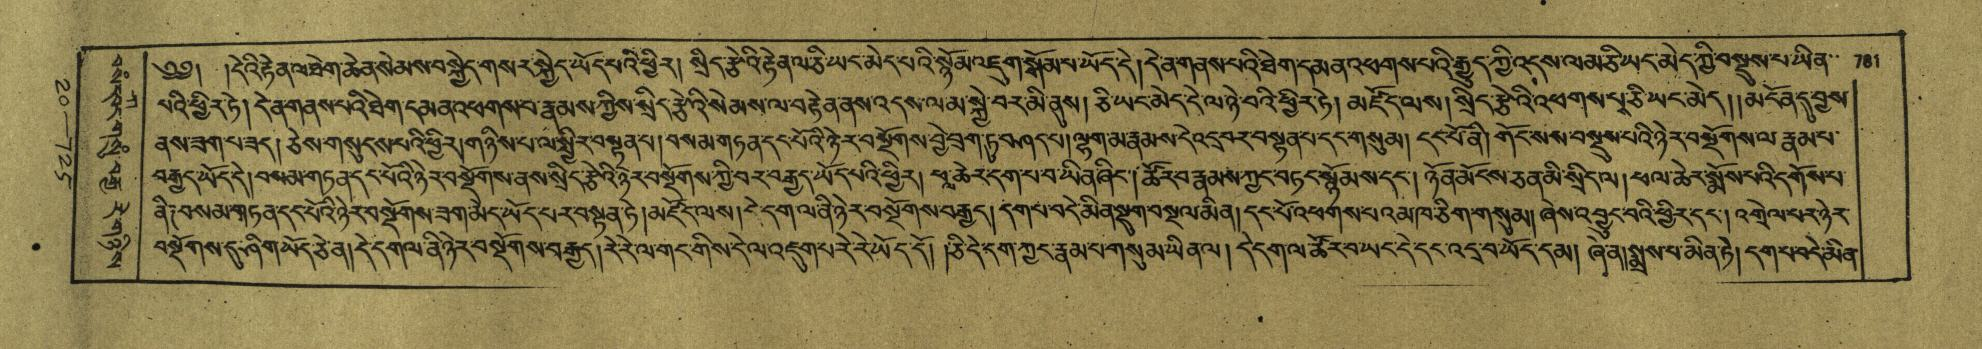༄༅། །དེའི་རྟེན་ལ་ཐེག་ཆེན་སེམས་བསྐྱེད་གསར་སྐྱེད་ཡོད་པའི་ཕྱིར། སྲིད་རྩེའི་རྟེན་ལ་ཅི་ཡང་མེད་པའི་སྙོམ་འཇུག་སྒོམ་པ་ཡོད་དེ། དེ་ན་གནས་པའི་ཐེག་དམན་འཕགས་པའི་རྒྱུད་ཀྱི་འདས་ལམ་ཅི་ཡང་མེད་ཀྱི་བསྡུས་པ་ཡིན་
པའི་ཕྱིར་ཏེ། དེ་ན་གནས་པའི་ཐེག་དམན་འཕགས་པ་རྣམས་ཀྱིས་སྲིད་རྩེའི་སེམས་ལ་བརྟེན་ནས་འདས་ལམ་སྐྱེ་བར་མི་ནུས། ཅི་ཡང་མེད་དེ་ལ་ཉེ་བའི་ཕྱིར་ཏེ། མཛོད་ལས། སྲིད་རྩེའི་འཕགས་པས་ཅི་ཡང་མེད། །མངོན་དུ་བྱས་
ནས་ཟག་པ་ཟད། ཅེས་གསུངས་པའི་ཕྱིར། གཉིས་པ་ལ་སྤྱིར་བསྟན་པ། བསམ་གཏན་དང་པོའི་ཉེར་བསྔོགས་བྱེ་བྲག་ཏུ་བཤད་པ། ལྷག་མ་རྣམས་དེ་འདྲ་བར་བསྟན་པ་དང་གསུམ། དང་པོ་ནི། གོང་སས་བསྡུས་པའི་ཉེར་བསྔོགས་ལ་རྣམ་པ་
བརྒྱད་ཡོད་དེ། བསམ་གཏན་དང་པོའི་ཉེར་བསྔོགས་ནས་སྲིད་རྩེའི་ཉེར་བསྔོགས་ཀྱི་བར་བརྒྱད་ཡོད་པའི་ཕྱིར། ཕལ་ཆེར་དག་པ་བ་ཡིན་ཞིང་། ཚོར་བ་རྣམས་ཀྱང་བཏང་སྙོམས་དང་། ཉོན་མོངས་ཅན་མི་སྲིད་ལ། ཕལ་ཆེར་སྨོས་པའི་དགོས་པ་
ནི༑ བསམ་གཏན་དང་པོའི་ཉེར་བསྔོགས་ཟག་མེད་ཡོད་པར་བསྟན་ཏེ། མཛོད་ལས། དེ་དག་ལ་ནི་ཉེར་བསྔོགས་བརྒྱད། དག་པ་བདེ་མིན་སྡུག་བསྔལ་མིན། དང་པོ་འཕགས་པའམ་ཁ་ཅིག་གསུམ། ཞེས་འབྱུང་བའི་ཕྱིར་དང་། འགྲེལ་པར་ཉེར་
བསྔོགས་དུ་ཤིག་ཡོད་ཅེ་ན། དེ་དག་ལ་ནི་ཉེར་བསྔོགས་བརྒྱད། རེ་རེ་ལ་གང་གིས་དེ་ལ་འཇུག་པ་རེ་རེ་ཡོད་དོ། །ཅི་དེ་དག་ཀྱང་རྣམ་པ་གསུམ་ཡིན་ལ། དེ་དག་ལ་ཚོར་བ་ཡང་དེ་དང་འདྲ་བ་ཡོད་དམ། ཞེ་ན། སྨྲས་པ་མིན་ཏེ། དག་པ་བདེ་མིན་